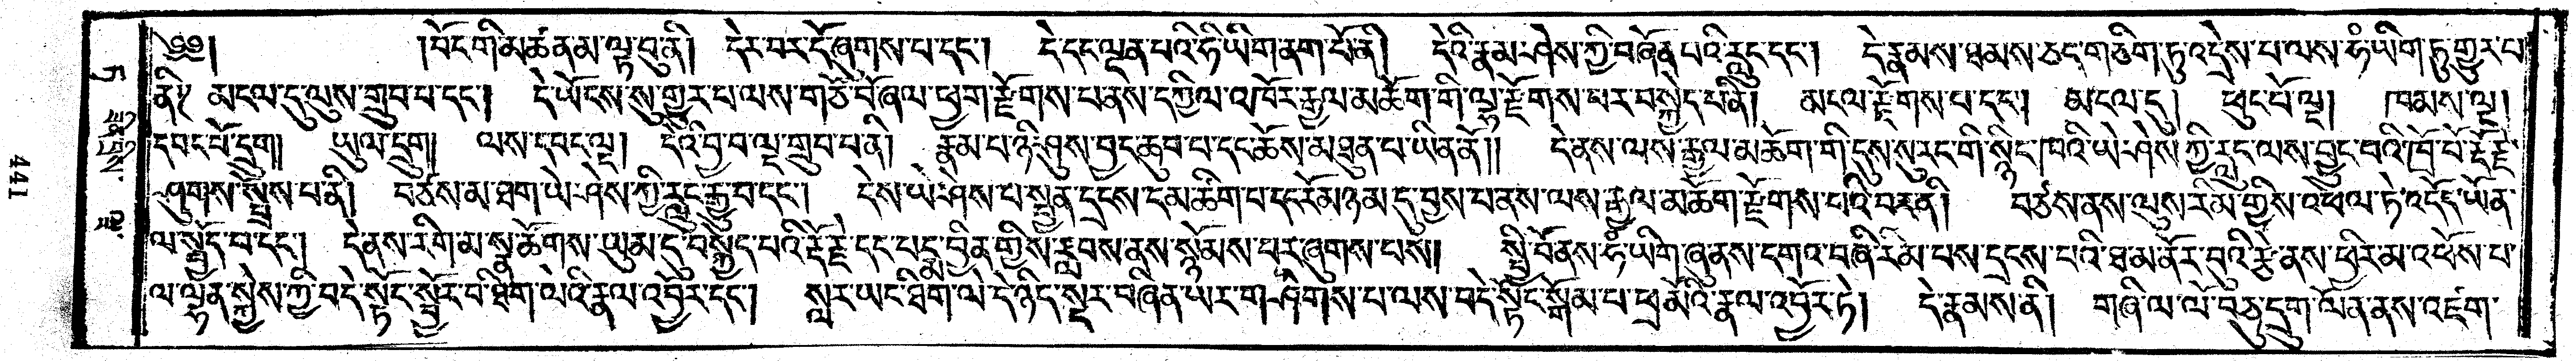༄༅། །བོང་གི་མཚན་མ་ལྟ་བུ་ནི། དེར་བར་དོ་ཞུགས་པ་དང་། དེ་དང་ལྡན་པའི་ཧི་ཡིག་ནག་པོ་ནི། དེའི་རྣམ་ཤེས་ཀྱི་བཞོན་པའི་རླུང་དང་། དེ་རྣམས་ཐམས་ཅད་གཅིག་ཏུ་འདྲེས་པ་ལས་ཧཾ་ཡིག་ཏུ་གྱུར་པ་
ནི༑ མངལ་དུ་ལུས་གྲུབ་པ་དང་། དེ་ཡོངས་སུ་གྱུར་པ་ལས་གཙོ་བོ་ཞལ་ཕྱག་རྫོགས་པ་ནས་དཀྱིལ་འཁོར་རྒྱལ་མཆོག་གི་ལྷ་རྫོགས་པར་བསྐྱེད་པ་ནི། མངལ་རྫོགས་པ་དང་། མངལ་དུ། ཕུང་པོ་ལྔ། ཁམས་ལྔ།
དབང་པོ་དྲུག། ཡུལ་དྲུག། ལས་དབང་ལྔ། དེའི་བྱ་བ་ལྔ་གྲུབ་པ་ནི། རྣམ་པ་ཉི་ཤུས་བྱང་ཆུབ་པ་དང་ཆོས་མཐུན་པ་ཡིན་ནོ།། དེ་ནས་ལས་རྒྱལ་མཆོག་གི་དུས་སུ་རང་གི་སྙིང་ཁའི་ཡེ་ཤེས་ཀྱི་རླུང་ལས་བྱུང་བའི་ཁྲོ་བོ་རྡོ་རྗེ་
ཤུགས་སྤྲོས་པ་ནི། བཙས་མ་ཐག་ཡེ་ཤེས་ཀྱི་རླུང་རྒྱུ་བ་དང་། དེས་ཡེ་ཤེས་པ་སྤྱན་དྲངས་དམ་ཚིག་པ་དང་རོ་མཉམ་དུ་བྱས་པ་ནས་ལས་རྒྱལ་མཆོག་རྫོགས་པའི་བར་ནི། བཙས་ནས་ལུས་རིམ་གྱིས་འཕལ་ཏེ་འདོད་ཡོན་
ལ་སྦྱོད་པ་དང་། དེ་ནས་རིག་མ་སྣ་ཚོགས་ཡུམ་དུ་བསྐྱེད་པའི་རྡོ་རྗེ་དང་པདམ་བྱིན་གྱིས་རླབས་ནས་སྙོམས་པར་ཞུགས་པས། སྤྱི་བོ་ནས་ཧཾ་ཡིག་ཞུ་ནས་དགའ་བཞི་རིམ་པས་དྲངས་པའི་ཐ་མ་ནོར་བུའི་རྩེ་ནས་ཕྱིར་མ་འཕོས་པ་
ལ་ལྷན་སྐྱེས་ཀྱི་བདེ་སྟོང་སྦྱོར་བ་ཐིག་ལེའི་རྣལ་འབྱོར་དང་། སླར་ཡང་ཐིག་ལེ་དེ་ཉིད་སྔར་བཞིན་ཡར་གཤིགས་པ་ལས་བདེ་སྟོང་སྒོམ་པ་ཕྲ་མོའི་རྣལ་འབྱོར་ཏེ། དེ་རྣམས་ནི། གཞི་ལ་ལོ་བཅུ་དྲུག་ལོན་ནས་འཛག་